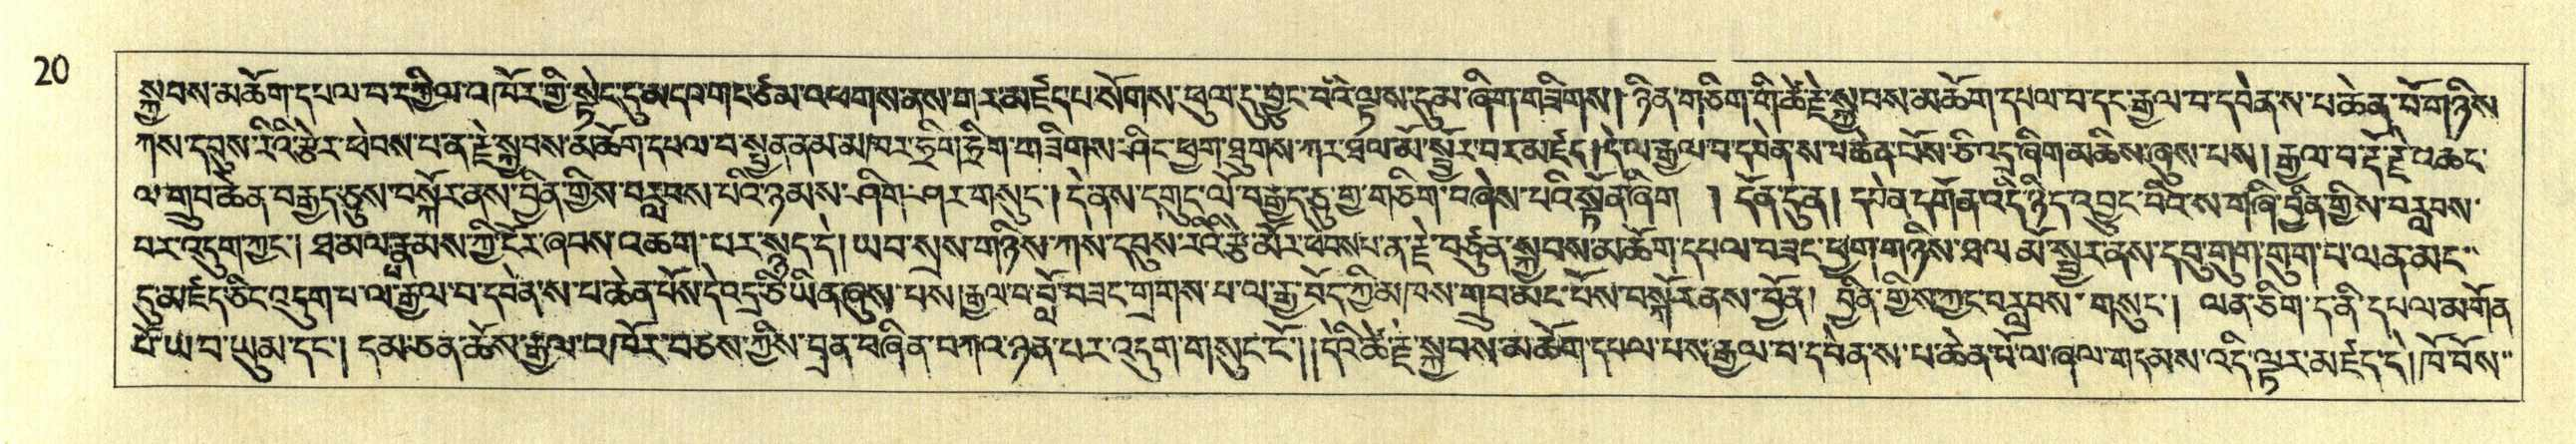སྐྱབས་མཆོག་དཔལ་བ་དཀྱིལ་འཁོར་གྱི་སྟེང་དུ་མདའ་གང་ཙམ་འཕགས་ནས་གར་མཛད་པ་སོགས་ཕུལ་དུ་བྱུང་བའི་ལྟས་དུམ་ཞིག་གཟིགས། ཉིན་གཅིག་གི་ཚེ་རྗེ་སྐྱབས་མཆོག་དཔལ་བ་དང་རྒྱལ་བ་དབེན་ས་པ་ཆེན་པོ་གཉིས་
ཀས་དབུས་རིའི་རྩེར་ཕེབས་པ་ན་རྗེ་སྐྱབས་མཆོག་དཔལ་བ་སྤྱན་ནམ་མཁར་ཧྲིག་ཧྲིག་གཟིགས་ཤིང་ཕྱག་ཐུགས་ཀར་ཐལ་མོ་སྦྱོར་བར་མཛད། དེ་ལ་རྒྱལ་བ་དབེན་ས་པ་ཆེན་པོས་ཅི་འདྲ་ཞིག་མཆིས་ཞུས་པས། རྒྱལ་བ་རྡོ་རྗེ་འཆང་
ལ་གྲུབ་ཆེན་བརྒྱད་ཅུས་བསྐོར་ནས་བྱིན་གྱིས་བརླབས་པའི་ཉམས་ཤིག་ཤར་གསུང་། དེ་ནས་དགུང་ལོ་བརྒྱད་ཅུ་གྱ་གཅིག་བཞེས་པའི་སྟོན་ཞིག །དོན་དུ་ན། དབེན་དགོན་འདི་ཉིད་འབྱུང་བའི་ས་གཞི་བྱིན་གྱིས་བརླབས་
བར་འདུག་ཀྱང་། ཐ་མལ་པ་རྣམས་ཀྱི་ངོར་ཞབས་འཆག་པར་སྙད་དེ། ཡབ་སྲས་གཉིས་ཀས་དབུས་རིའི་རྩེ་མོར་ཕེབས་པ་ན་རྗེ་བཙུན་སྐྱབས་མཆོག་དཔལ་བཟང་ཕྱག་གཉིས་ཐལ་མོ་སྦྱར་ནས་དབུ་གུག་གུག་པ་ལན་མང་
དུ་མཛད་ཅིང་འདུག་པ་ལ་རྒྱལ་བ་དབེན་ས་པ་ཆེན་པོས་དེ་འདྲ་ཅི་ཡིན་ཞུས་པས། རྒྱལ་བ་བློ་བཟང་གྲགས་པ་ལ་རྒྱ་བོད་ཀྱི་མཁས་གྲུབ་མང་པོས་བསྐོར་ནས་བྱོན། བྱིན་གྱིས་ཀྱང་བརླབས་གསུང་། ལན་ཅིག་ད་ནི་དཔལ་མགོན་
པོ་ཡབ་ཡུམ་དང་། དམ་ཅན་ཆོས་རྒྱལ་འཁོར་བཅས་ཀྱིས་བྲན་བཞིན་བཀའ་ཉན་པར་འདུག་གསུང་ངོ། །དེའི་ཚེ་རྗེ་སྐྱབས་མཆོག་དཔལ་པས་རྒྱལ་བ་དབེན་ས་པ་ཆེན་པོ་ལ་ཞལ་གདམས་འདི་ལྟར་མཛད་དེ། ཁོ་བོས་